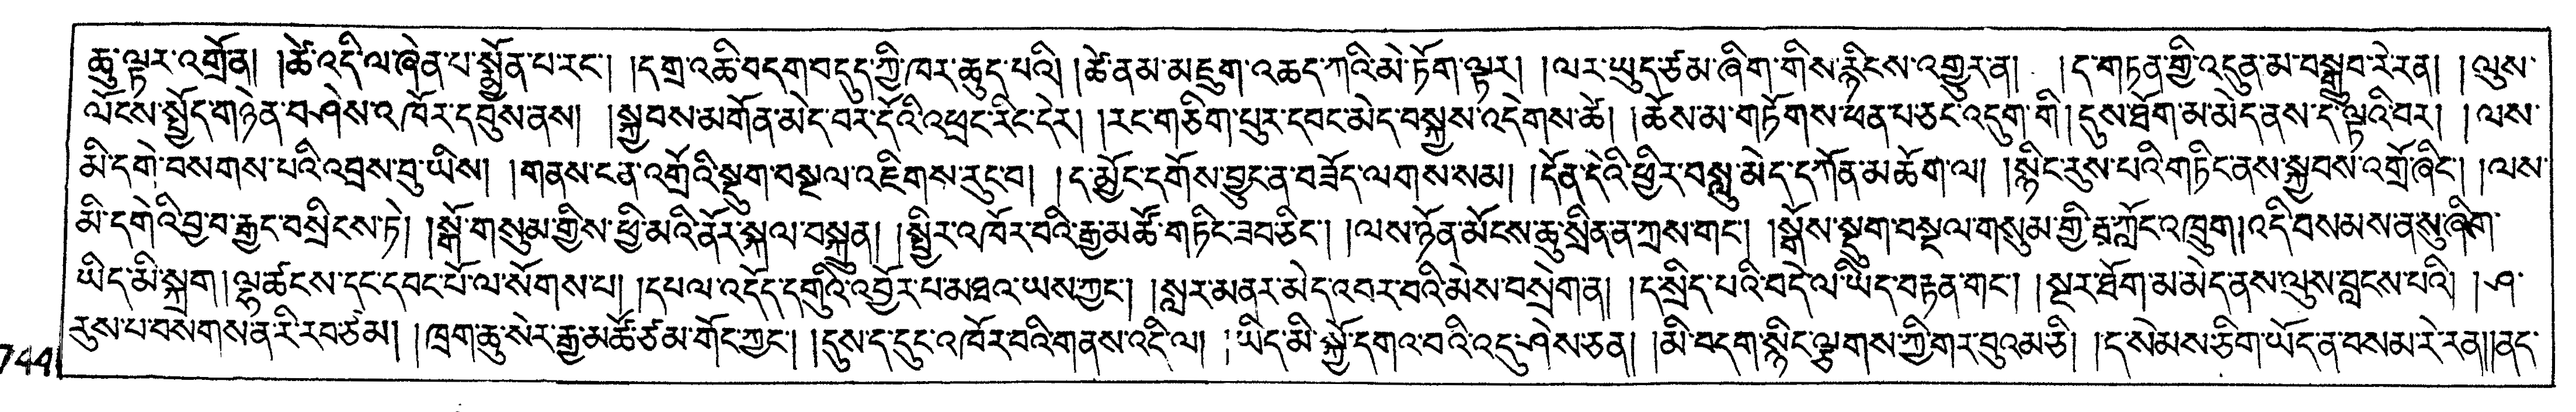ཆུ་ལྟར་འགྲོ་ན། །ཚེ་འདི་ལ་ཞེན་པ་སྨྱོན་པ་རང་། །དགྲ་འཆི་བདག་བདུད་ཀྱི་ཁར་ཆུད་པའི། །ཚེ་ནམ་མཇུག་འཆད་ཀའི་མེ་ཏོག་ལྟར། །ལར་ཡུད་ཙམ་ཞིག་གིས་རྙིངས་འགྱུར་ན། །ད་གཏན་གྱི་འདུན་མ་བསྒྲུབ་རེ་རན། །ལུས་
ལོངས་སྤྱོད་གཉེན་བཤེས་འཁོར་དབུས་ནས། །སྐྱབས་མགོན་མེད་བར་དོའི་འཕྲང་རིང་དེར། །རང་གཅིག་པུར་དབང་མེད་བསྐྱས་འདེགས་ཚེ། །ཆོས་མ་གཏོགས་ཕན་པ་ཅང་འདུག་གི །དུས་ཐོག་མ་མེད་ནས་ད་ལྟའི་བར། །ལས་
མི་དགེ་བསགས་པའི་འབྲས་བུ་ཡིས། །གནས་ངན་འགྲོའི་སྡུག་བསྔལ་འཇིགས་རུང་བ། །ད་མྱོང་དགོས་བྱུང་ན་བཟོད་ལགས་སམ། །དོན་དེའི་ཕྱིར་བསླུ་མེད་དཀོན་མཆོག་ལ། །སྙིང་རུས་པའི་གཏིང་ནས་སྐྱབས་འགྲོ་ཞིང་། །ལས་
མི་དགེའི་བྱ་བ་རྒྱང་བསྲིངས་ཏེ། །སྒོ་གསུམ་གྱིས་ཕྱི་མའི་ནོར་སྐལ་བསྐྲུན། །སྤྱིར་འཁོར་བའི་རྒྱ་མཚོ་གཏིང་ཟབ་ཅིང་། །ལས་ཉོན་མོངས་ཆུ་སྲིན་ན་ཀྲས་གང་། །སྒོས་སྡུག་བསྔལ་གསུམ་གྱི་རྦ་ཀློང་འཁྲུག །འདི་བསམས་ན་སུ་ཞིག་
ཡིད་མི་སྐྲག །ལྷ་ཚངས་དང་དབང་པོ་ལ་སོགས་པ། །དཔལ་འདོད་དགུའི་འབྱོར་པ་མཐའ་ཡས་ཀྱང་། །སླར་མནར་མེད་འབར་བའི་མེས་བསྲེག་ན། །ད་སྲིད་པའི་བདེ་ལ་ཡིད་བརྟན་གང་། །སྔར་ཐོག་མ་མེད་ནས་ལུས་བླངས་པའི། །ཤ་
རུས་པ་བསགས་ན་རི་རབ་ཙམ། །ཁྲག་ཆུ་སེར་རྒྱ་མཚོ་ཙམ་གོང་ཀྱང་། །དུས་ད་དུང་འཁོར་བའི་གནས་འདི་ལ། །ཡིད་མི་སྐྱོ་དགའ་བའི་འདུ་ཤེས་ཅན། །མི་བདག་སྙིང་ལྕགས་ཀྱི་གར་བུའམ་ཅི། །ད་སེམས་ཅིག་ཡོད་ན་བསམ་རེ་རན། །ནད་